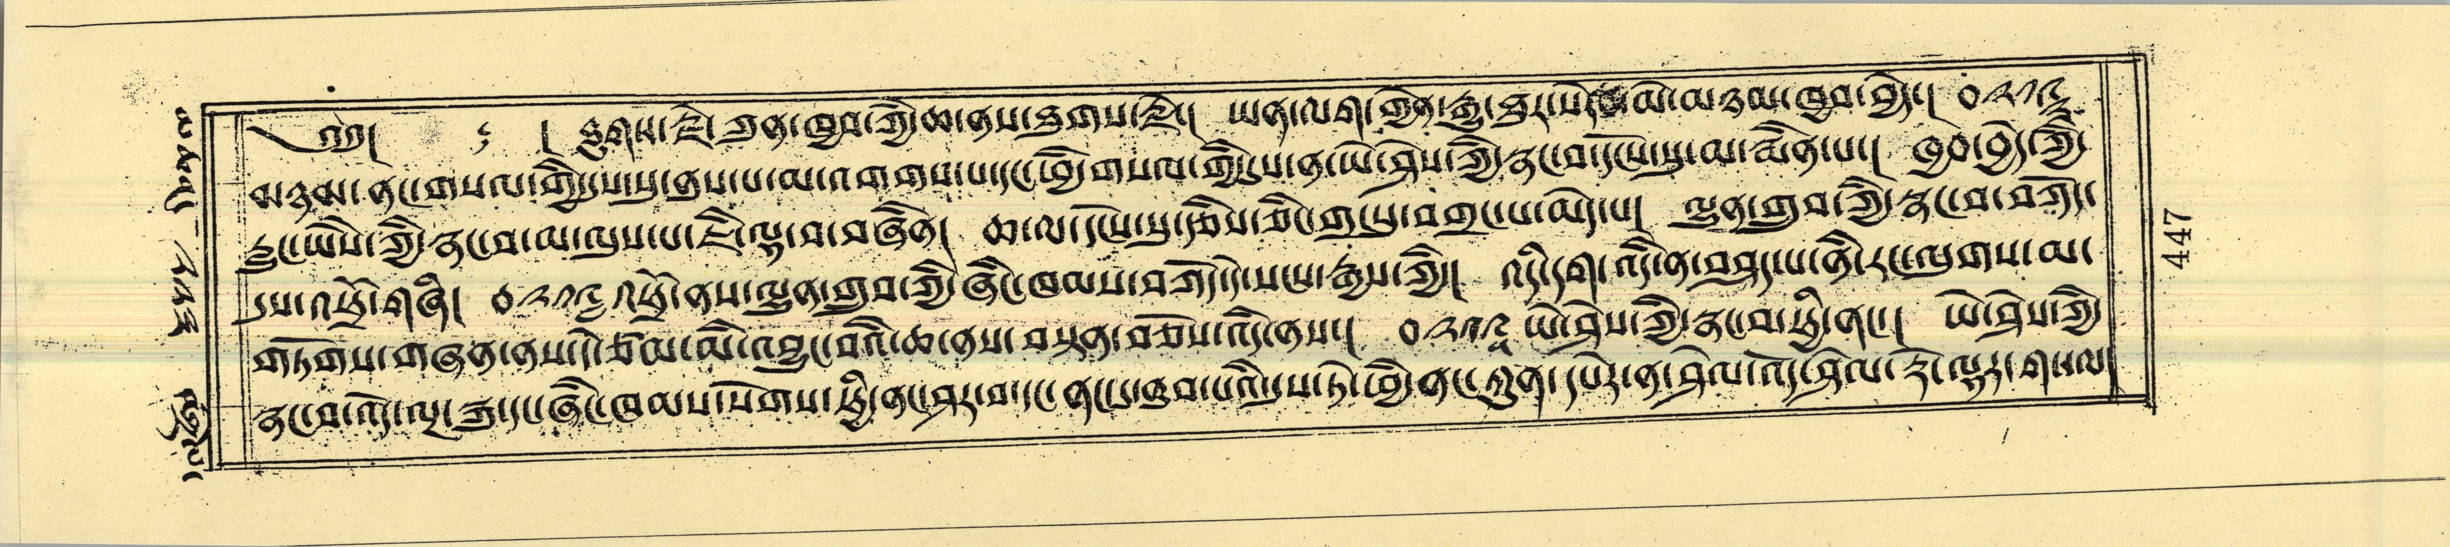༼ཐུགས་རྗེ༽ཀུན་ཁྱབ་ཀྱི་ཆ་ནས་ཐུགས་རྗེ་༼ཡན་ལག༽གྱེན་རྒྱུ་ཐུར་སེལ་མེ་མཉམ་ཁྱབ་བྱེད་བ༢༡༩།༢
༼མཉམ༽ནང་གསལ་གྱི་དུས་སུ་ནུས་པ་མ་འགག་པ་དང་ཕྱི་གསལ་གྱི་དུས་ན་ཡེ་ཤེས་ཀྱི་སྣང་བ་དངོས་སུ་མ་སྨིན་པ་༼ཁྱབ་བྱེད་༽ཀྱི་
རླུང་ཡེ་ཤེས་ཀྱི་སྣང་བ་མ་ལུས་པ་ཇི་ལྟ་བ་བཞིན་ཆ་ལ་དངོས་སུ་བརྩིས་ཤིང་གྲངས་སུ་བགྲང་བ་མེད་པ་ལྷུན་གྲུབ་ཀྱི་སྣང་བ་བཀོད་པ་
དུས་༼འཕྲོ་གཞི༽བ༢༡༩།༤༼འཕྲོ་ནས༽ལྷུན་གྲུབ་ཀྱི་ཞིང་ཁམས་བཀོད་དེ་སངས་རྒྱས་ཀྱི། ༼འདི་དག༽འདི་ན་བཤད་པ་ནི་རང་ལུགས་མ་
གཏོགས་གཞན་ནས་དེ་ཙམ་མི་འབྱུང་བའི་ཆ་ནས་བསྟན་བཅོས་འདི་ནས་བ༢༡༩།༥ཡེ་ཤེས་ཀྱི་སྣང་བ་༼ཕྱི་ནང༽ཡེ་ཤེས་ཀྱི་
སྣང་བ་འོད་ལྔ་སྐུ་དང་ཞིང་ཁམས་སོགས་ཕྱི་ནང་ཤར་བ་དང་ནང་དུ་ནུབ་པའི་དུས་ཏེ་༼ཕྱི་ནང་ཀུན་༽དཔེར་ན་ཤེལ་འོད་ཤེལ་རྡོ་ལྟར་༼གསལ༽